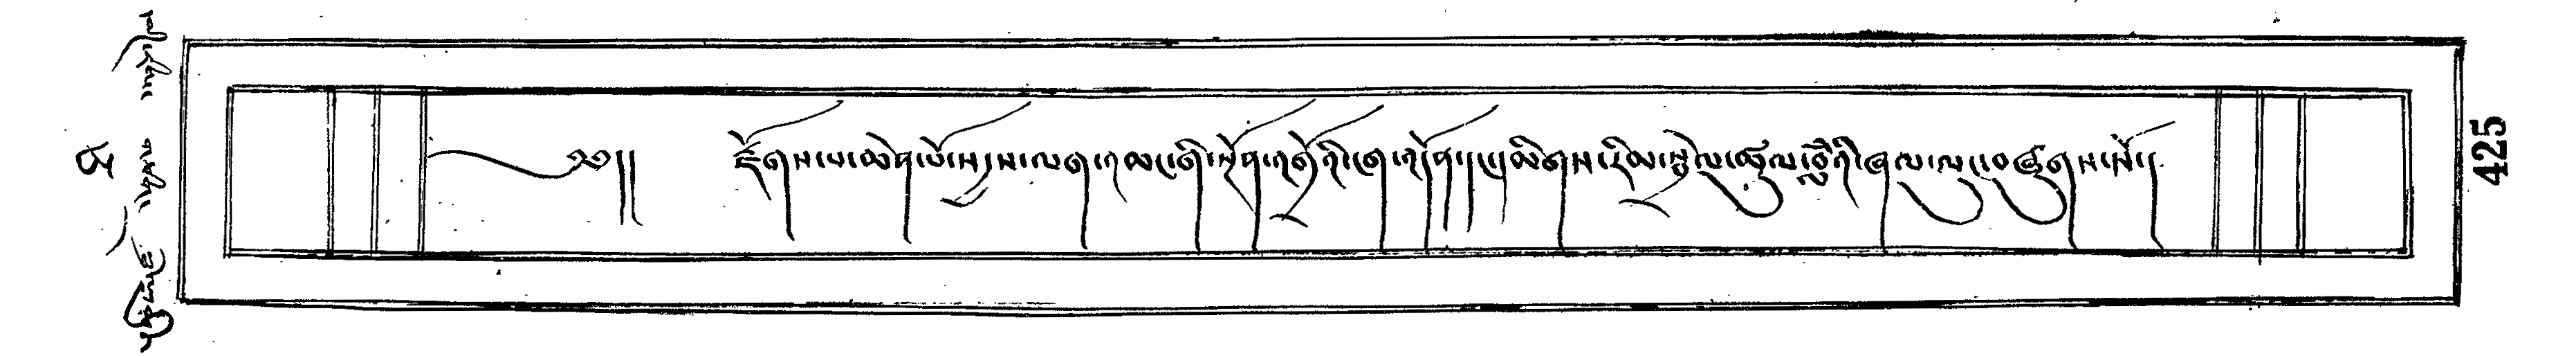༄༅། རྫོགས་པ་ཆེན་པོ་སངས་རྒྱས་ལག་འཆང་གི་སྔོན་འགྲོའི་ངག་འདོན་དང་དམིགས་རིམ་སྦྲེལ་ཚུལ་བླ་མའི་ཞལ་ལུང་བཞུགས་སོ།